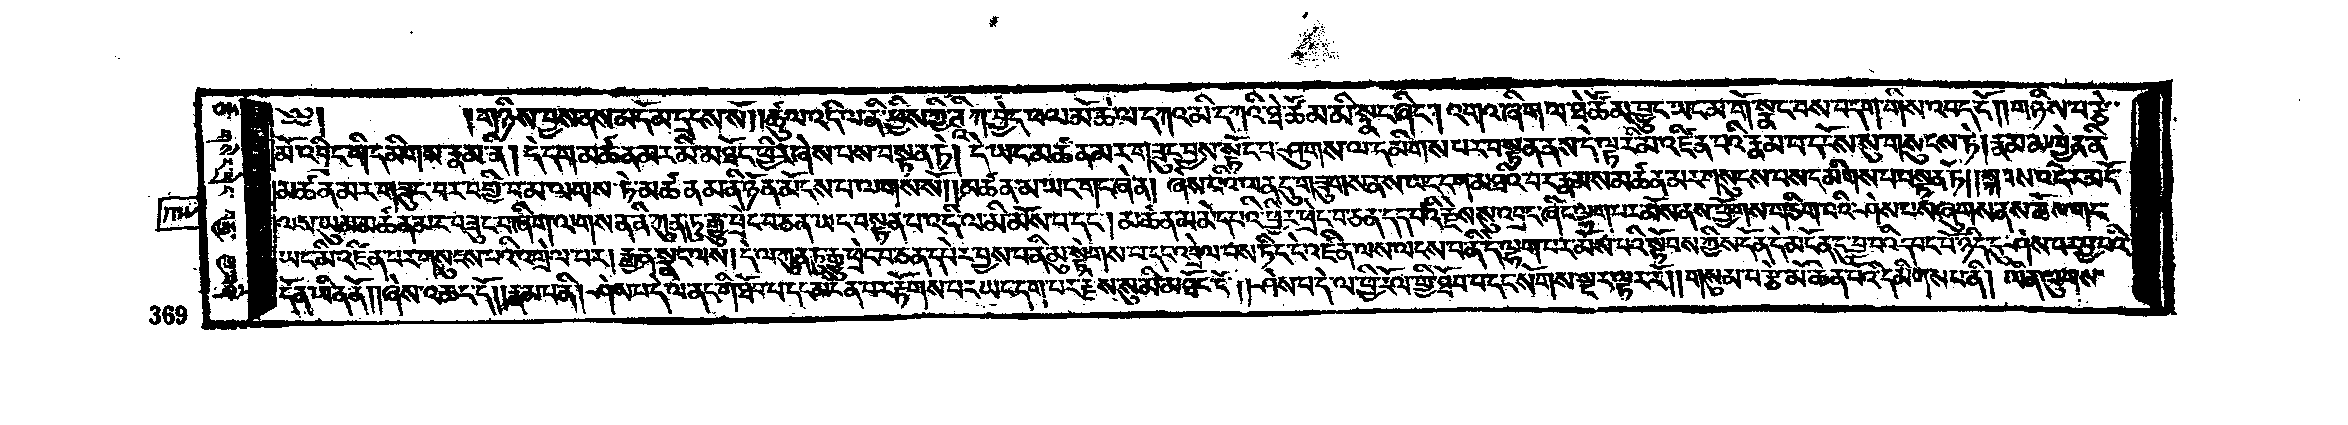༄༅། །གཉིས་བྱས་ནས་མདོ་མ་དྲངས་སོ། །ཚུལ་འདི་ལ་ནི་ཕྱིས་ཀྱི་ཊཱི་ཀ་བྱེད་ཕལ་མོ་ཆེ་ལ་དཀའ་མི་དཀའི་ཐེ་ཚོམ་མི་སྣང་ཞིང་། འགའ་ཞིག་ལ་ཐེ་ཚོམ་བྱུང་ཡང་མ་གོ་སྣང་བས་བདག་གིས་འབད་དོ། །གཉིས་པ་རྩེ་
མོ་འབྲིང་གི་དམིགས་རྣམ་ནི། དེ་དག་མཚན་མར་མི་མཐོང་ཕྱིར་ཞེས་པས་བསྟན་ཏེ། དེ་ཡང་མཚན་མར་གཟུང་བྱས་སྟོང་པ་ཤུགས་ལ་དམིགས་པར་བསྟན་ནས་དེ་ལྟར་མ་འཛིན་པའི་རྣམ་པ་དངོས་སུ་གསུངས་ཏེ། རྣམ་མཁྱེན་ནི་
མཚན་མར་གཟུང་བར་བགྱི་བ་མ་ལགས་ཏེ་མཚན་མ་ནི་ཉོན་མོངས་པ་ལགས་སོ། །མཚན་མ་ཡང་གང་ཞེ་ན། ཞེས་པའི་ལན་དུ་གཟུགས་ནས་ཡང་དག་མཐའི་བར་རྣམས་མཚན་མར་གསུངས་པས་དམིགས་པ་བསྟན་ཏོ། །སྐབས་འདིར་མདོ་
ལས་ཡུམ་མཚན་མར་གཟུང་བ་ཞིག་ལགས་ན་ནི་ཀུན་ཏུ་རྒྱུ་ཕྲེང་བ་ཅན་ཡང་བསྟན་པ་འདི་ལ་མི་མོས་པ་དང་། མཚན་མ་མེད་པའི་ཕྱིར་ཕྲེང་བ་ཅན་དད་པའི་རྗེས་སུ་འབྲང་ཞིང་ལྷག་པར་མོས་ནས་ཕྱོགས་གཅིག་པའི་ཤེས་པས་ཞུགས་ནས་ཆོས་གང་
ཡང་མི་འཛིན་པར་གསུངས་པའི་འགྲེལ་པར། རྒྱན་སྣང་ལས། དེ་ལ་ཀུན་ཏུ་རྒྱུ་ཕྲེང་བ་ཅན་དཔེར་བྱས་པ་ནི་མུ་སྟེགས་པ་དང་འབྲེལ་བས་ཏིང་ངེ་འཛིན་ལས་ལངས་པ་ནི་དེ་ལྷག་པར་མོས་པའི་སྟོབས་ཀྱིས་དོན་དེ་མངོན་དུ་བྱ་བའི་དབང་པོ་ཉིད་དུ་ཤེས་པར་བྱ་བའི་
དོན་ཡིན་ནོ། །ཞེས་འཆད་དོ། །རྣམ་པ་ནི། ཤེས་པ་དེ་ལ་ནང་གི་ཐོབ་པ་དང་མངོན་པར་རྟོགས་པར་ཡང་དག་པར་རྗེས་སུ་མི་མཐོང་ངོ། །ཤེས་པ་དེ་ལ་ཕྱི་རོལ་གྱི་ཐོབ་པ་དང་སོགས་སྔར་ལྟར་རོ། །གསུམ་པ་རྩེ་མོ་ཆེན་པོའི་དམིགས་པ་ནི། ཡིན་ལུགས་